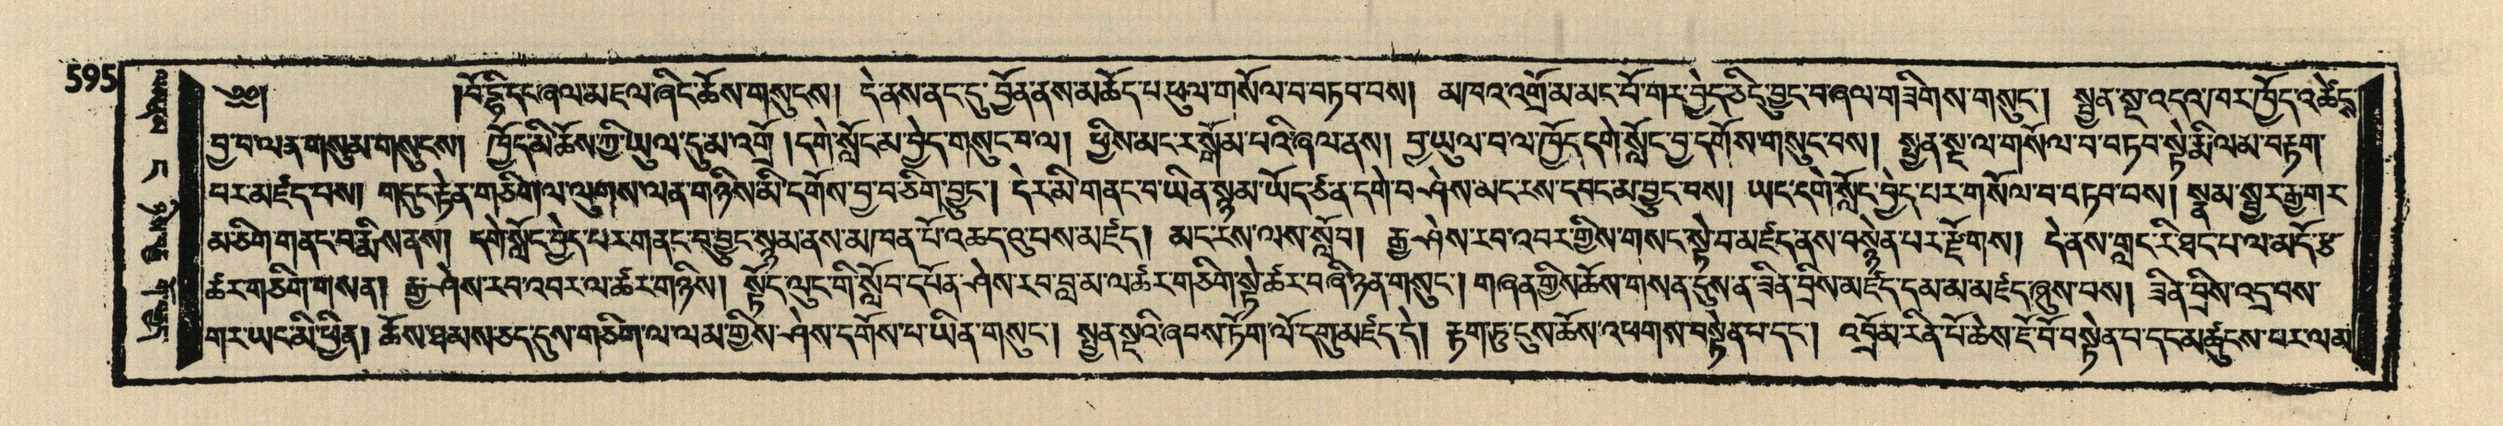༄༅། །བོ་དྷི་དང་ཞལ་མཇལ་ཞིང་ཆོས་གསུངས། དེ་ནས་ནང་དུ་བྱོན་ནས་མཆོད་པ་ཕུལ་གསོལ་བ་བཏབ་བས། མཁའ་འགྲོ་མ་མང་པོ་གར་བྱེད་ཅིང་བྱུང་བ་ཞལ་གཟིགས་གསུང་། སྤྱན་སྔ་འདའ་ཁར་ཁྱོད་འཚེངས་
བྱ་བ་ལན་གསུམ་གསུངས། ཁྱོད་མི་ཆོས་ཀྱི་ཡུལ་དུ་མ་འགྲོ་།དགེ་སློང་མ་བྱེད་གསུང་བ་ལ། ཕྱིས་མང་ར་སྒོམ་པའི་ཞལ་ནས། བྱ་ཡུལ་བ་ལ་ཁྱོད་དགེ་སློང་བྱ་དགོས་གསུང་བས། སྤྱན་སྔ་ལ་གསོལ་བ་བཏབ་སྟེ་རྨི་ལམ་བརྟག་
པར་མཛད་བས། གདུང་རྟེན་གཅིག་ལ་ལུགས་ལན་གཉིས་མི་དགོས་བྱ་བ་ཅིག་བྱུང་། དེར་མི་གནང་བ་ཡིན་སྙམ་ཡོད་ཙ་ན་དགེ་བཤེས་མང་རས་དབང་མ་བྱུང་བས། ཡང་དགེ་སློང་བྱེད་པར་གསོལ་བ་བཏབ་བས། སྣམ་སྦྱར་རྒྱ་གར་
མ་ཅིག་གནང་བ་རྨིས་ནས། དགེ་སློང་བྱེད་པར་གནང་བ་བྱུང་སྙམ་ནས་མཁན་པོ་འཆད་འུ་པས་མཛད། མང་རས་ལས་སློབ། རྒྱ་ཤེས་རབ་འབར་གྱིས་གསང་སྟེ་བ་མཛད་ནས་བསྙེན་པར་རྫོགས། དེ་ནས་གླང་རི་ཐང་པ་ལ་མདོ་རྩ་
ཚར་གཅིག་གསན། རྒྱ་ཤེས་རབ་འབར་ལ་ཚར་གཉིས། སྟོང་ལུང་གི་སློབ་དཔོན་ཤེས་རབ་བླ་མ་ལ་ཚར་གཅིག་སྟེ་ཚར་བཞི་ཉན་གསུང་། གཞན་གྱིས་ཆོས་གསན་དུས་ན་ཟིན་བྲིས་མཛད་དམ་མ་མཛད་ཞུས་བས། ཟིན་བྲིས་འདྲ་བས་
གར་ཡང་མི་ཕྱིན། ཆོས་ཐམས་ཅད་དུས་གཅིག་ལ་ལམ་གྱིས་ཤེས་དགོས་པ་ཡིན་གསུང་། སྤྱན་སྔའི་ཞབས་ཏོག་ལོ་དགུ་མཛད་དེ། རྟག་ཏུ་དུས་ཆོས་འཕགས་བསྟེན་པ་དང་། འབྲོམ་རིན་པོ་ཆེས་ཇོ་བོ་བསྟེན་པ་དང་མཚུངས་པར་ལམ་